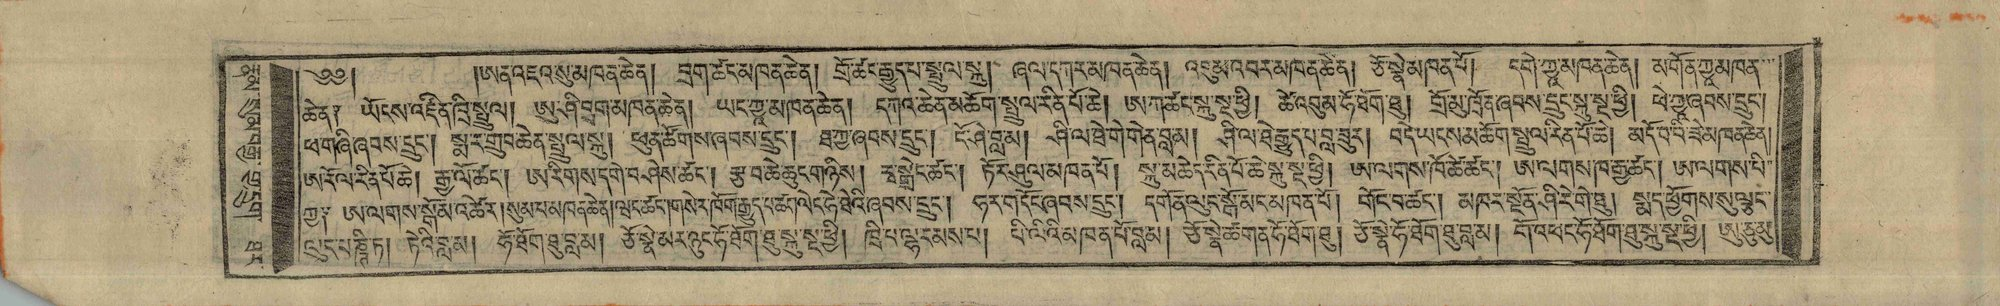༄༅། །ཨན་འཇའ་སུ་མཁན་ཆེན། བྲག་ཚང་མཁན་ཆེན། གྲོ་ཚང་རྒྱུད་པ་སྤྲུལ་སྐུ། ཞལ་དཀར་མཁན་ཆེན། འབུམ་འབར་མཁན་ཆེན། ཅོ་སྣེ་མཁན་པོ། དགེ་ཀྱཱ་མཁན་ཆེན། མགོན་ཀྱཱ་མཁན་
ཆེན༑ ཡོངས་འཛིན་ཁྲི་སྤྲུལ། ཨུ་ཤི་བྲག་མཁན་ཆེན། ཡང་ཀྱཱ་མཁན་ཆེན། དཀའ་ཆེན་མཆོག་སྤྲུལ་རིན་པོ་ཆེ། ཨ་ཀ་ཚང་སྐུ་སྔ་ཕྱི། ཚེ་འབུམ་ཧོ་ཐོག་ཐུ། གྲོ་མུ་ཁྲོན་ཞབས་དྲུང་སྐུ་སྔ་ཕྱི། ཕེ་ཀྱཱ་ཞབས་དྲུང་།
ཕ་གཞི་ཞབས་དྲུང་། སྨར་གྲུབ་ཆེན་སྤྲུལ་སྐུ། ཕུན་ཚོགས་ཞབས་དྲུང་། ཐ་ཀྱ་ཞབས་དྲུང་། ངོ་ཤེ་བླ་མ། ཤི་ལ་ཐེ་གེ་གེན་བླ་མ། ཤི་ལ་ཐེ་རྒྱུད་པ་བླ་ཟུར། བདེ་ཡེངས་མཆོག་སྤྲུལ་རིན་པོ་ཆེ། མདོ་པའི་ཟེ་མཁན་ཆེན།
ཨ་རོལ་རིན་པོ་ཆེ། རྒྱ་ལོ་ཚང་། ཨ་རིགས་དགེ་བཤེས་ཚང་། རྩ་བ་ཆེ་ཆུང་གཉིས། རྭ་སྒྲེང་ཚང་། ཏོར་ཤུལ་མཁན་པོ། སྐུ་མཆེད་རིན་པོ་ཆེ་སྐུ་སྔ་ཕྱི། ཨ་ལགས་ཁོ་ཚེ་ཚང་། ཨ་ལགས་ཁ་རྒྱ་ཚང་། ཨ་ལགས་པི་
ཀྱ༑ ཨ་ལགས་སྒོམ་འཚེར། སུམ་པ་མཁན་ཆེན། ཝང་ཚང་། གསེར་ཁོག་རྒྱུད་པ་ཚང་། ལེང་ཧེ་ཐེའི་ཞབས་དྲུང་། ཧར་གདོང་ཞབས་དྲུང་། དགོན་ལུང་སྒོ་མང་མཁན་པོ། གོང་བ་ཚང་། མཁར་སྔོན་ཤི་རེ་གེ་ཐུ། སྨད་ཕྱོགས་སུ་ལྕང་
ལུང་པཎྚི་ཏ། ཏེའི་བླ་མ། ཧོ་ཐོག་ཐུ་བླ་མ། ཅོ་སྣེ་མར་ཉུང་ཧོ་ཐོག་ཐུ་སྐུ་སྔ་ཕྱི། ཁྲི་པ་ལྷ་རམས་པ། པི་ལིའི་མཁན་པོ་བླ་མ། ཅོ་སྣེ་ཚ་གན་ཧོ་ཐོག་ཐུ། ཅོ་སྣེ་ཧོ་ཐོག་ཐུ་བླ་མ། གོ་འཕང་ཧོ་ཐོག་ཐུ་སྐུ་སྔ་ཕྱི། ཨུ་ཅུ་མུ་